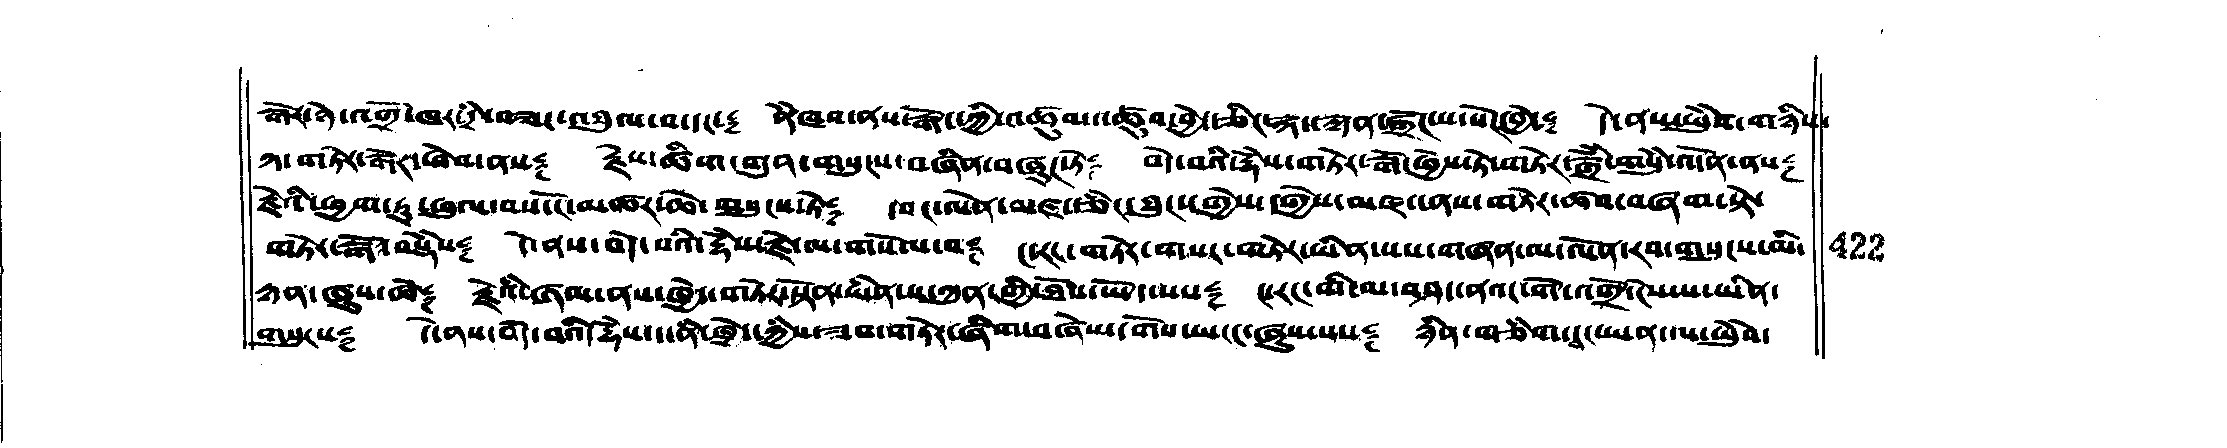སྒོར་ཉེ་འགྲོ་ཁར་དྲི་བཟང་འཐུལ་བ་དང་།ནམ་མཁའ་ནས་རྒོད་ཀྱི་འཚུབ་འཚུབ་བྱེད་ཅིང་སྐད་སྙན་སྒྲོགས་པ་སོགས་བྱེད། དེ་ནས་ཡབ་ཡུམ་གཉིས་
ཀ་གཏེར་སྒོར་ཕེབས་ནས། རྗེས་ཚིག་བདུན་གསུངས་བཞིན་བཞུགས་ཏེ། བདེ་བའི་རྡོ་རྗེས་གཏེར་སྒོ་ཕྱེས་ཏེ་གཏེར་སྒྲོམ་གསུམ་འདོན་ནས། 
རྗེའི་ཕྱག་ཏུ་ཕུལ་བས་ངོ་མཚར་ཆེ་གསུངས་ཏེ། དབང་ལེན་མཛད་ཅིང་ཐུགས་དགྱེས་དགྱེས་མཛད་ནས་གཏེར་ཚབ་བཞག་སྟེ་
གཏེར་སྒོ་བསྡམས། དེ་ནས་བདེ་བའི་རྡོ་རྗེས་རྗེ་ལ་གསོལ་བ། ང་རང་གི་གཏེར་གསང་གཏེར་ཡིན་པས་གཞན་ལ་ལོན་རབ་གསུངས་མི་
ཉན་ཞུས་ཚེ། རྗེའི་ཞལ་ནས་ཁྱེད་གཏེར་སྟོན་ཡིན་པ་ཀུན་གྱི་ཐོས་ཡོད་པས། ང་རང་གིས་མ་བཤད་ནའང་གོ་འགྲོ་ངེས་པ་ཡིན་
གསུངས། དེ་ནས་བདེ་བའི་རྡོ་རྗེས་ད་ནི་ཁྱེད་ཀྱིས་ཟབ་གཏེར་ཞིག་བཞེས་དགོས་ཡང་ཡང་ཞུས་པས། ཉིན་གཅིག་དྭང་ཡན་ལ་ཡབ་ཡུམ་